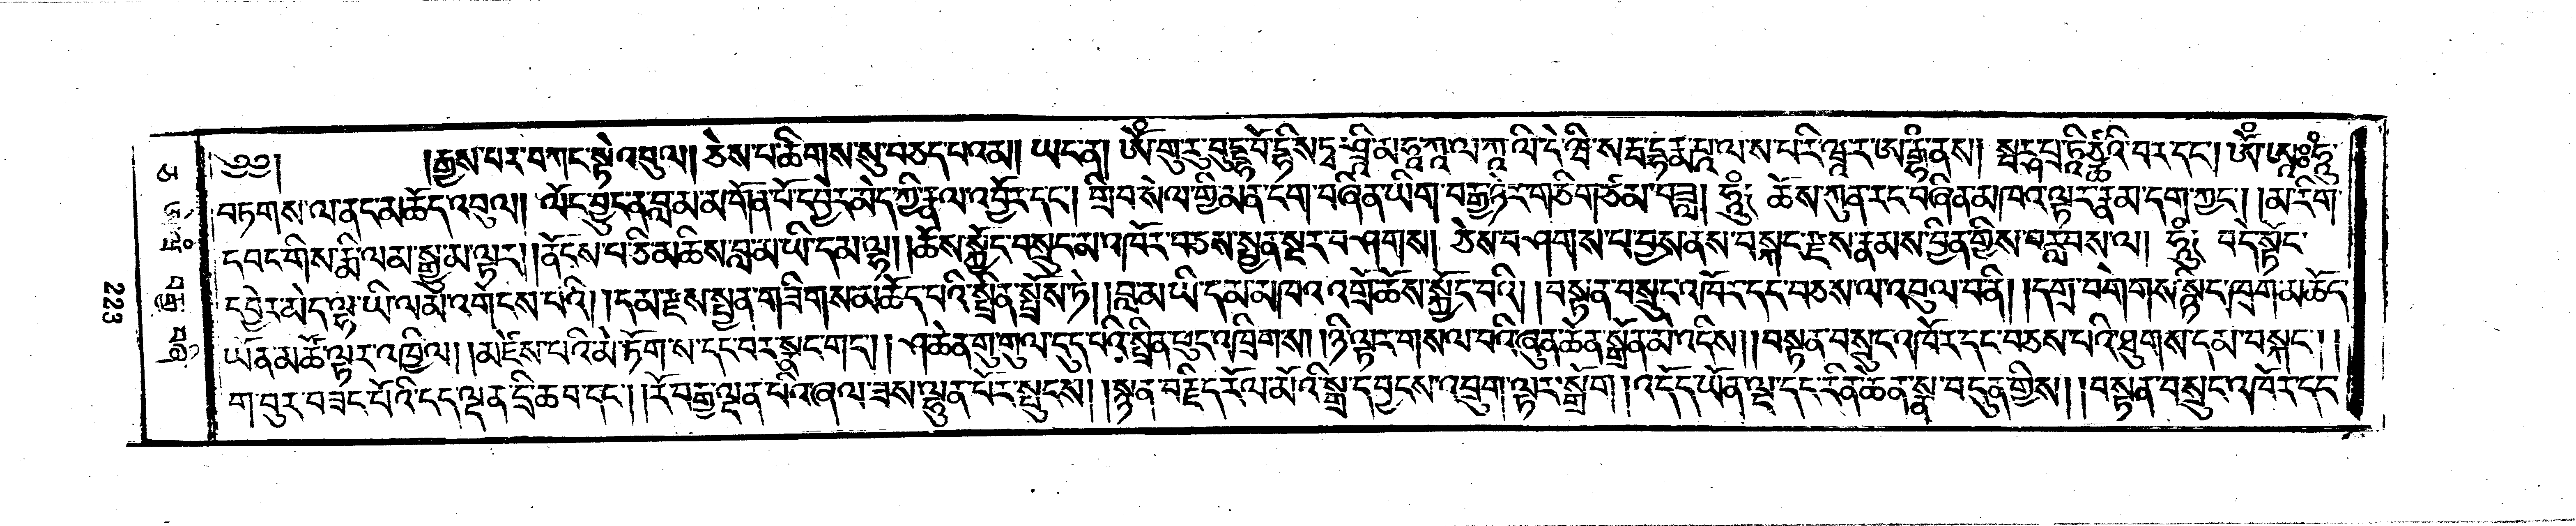༄༅། །རྒྱས་པར་བཀང་སྟེ་འབུལ། ཅེས་པ་ཚིགས་སུ་བཅད་པའམ། ཡང་ན། ཨོཾ་གུ་རུ་བུདྡྷ་བོ་དྷི་ས་ཏྭ་ཤྲཱི་མཧཱ་ཀཱ་ལ་ཀཱ་ལི་དཻ་ཝི་སརྦ་དྷརྨ་པཱ་ལ་ས་པ་རི་ཝཱ་ར་ཨརྒྷཾ་ནས། སྤརྴ་པྲ་ཏཱི་ཙྪའི་བར་དང་། ཨོཾ་ཨཱཿ ཧཱུཾ་
བཏགས་ལ་ནང་མཆོད་འབུལ། ལོང་བྱུང་ན་བླ་མ་མགོན་པོ་དབྱེར་མེད་ཀྱི་རྣལ་འབྱོར་དང་། གྲིབ་སེལ་གྱི་མན་ངག་བཞིན་ཡིག་བརྒྱ་ཉེར་གཅིག་ཙམ་བཟླ། ཧཱུཾ། ཆོས་ཀུན་རང་བཞིན་མཁའ་ལྟར་རྣམ་དག་ཀྱང་། །མ་རིག་
དབང་གིས་རྨི་ལམ་སྒྱུ་མ་ལྟར། །ནོངས་པ་ཅི་མཆིས་བླ་མ་ཡི་དམ་ལྷ། །ཆོས་སྐྱོང་བསྲུང་མ་འཁོར་བཅས་སྤྱན་སྔར་བཤགས། ཅེས་བཤགས་པ་བྱས་ནས་བསྐང་རྫས་རྣམས་བྱིན་གྱིས་བརླབས་ལ། ཧཱུཾ། བདེ་སྟོང་
དབྱེར་མེད་ལྷ་ཡི་ལམ་འགེངས་པའི། །དམ་རྫས་སྤྱན་གཟིགས་མཆོད་པའི་སྤྲིན་སྤྲོས་ཏེ། །བླ་མ་ཡི་དམ་མཁའ་འགྲོ་ཆོས་སྐྱོང་བའི། །བསྟན་བསྲུང་འཁོར་དང་བཅས་ལ་འབུལ་བ་ནི། །དགྲ་བགེགས་སྙིང་ཁྲག་མཆོད་
ཡོན་མཚོ་ལྟར་འཁྱིལ། །མཛེས་པའི་མེ་ཏོག་ས་དང་བར་སྣང་གང་། །ཤ་ཆེན་གུ་གུལ་དུད་པའི་སྤྲིན་ཕུང་འཁྲིགས། །ཉི་ལྟར་གསལ་བའི་ཞུན་ཆེན་སྒྲོན་མེ་འདིས། །བསྟན་བསྲུང་འཁོར་དང་བཅས་པའི་ཐུགས་དམ་བསྐང།།
ག་བུར་བཟང་པོའི་ངད་ལྡན་དྲི་ཆབ་དང་། །རོབ་རྒྱ་ལྡན་པའི་ཞལ་ཟས་ལྷུན་པོར་སྤུངས། །སྙན་བརྗིད་རོལ་མོའི་སྒྲ་དབྱངས་འབྲུག་ལྟར་སྒྲོག །འདོད་ཡོན་ལྔ་དང་རིན་ཆེན་སྣ་བདུན་གྱིས། །བསྟན་བསྲུང་འཁོར་དང་